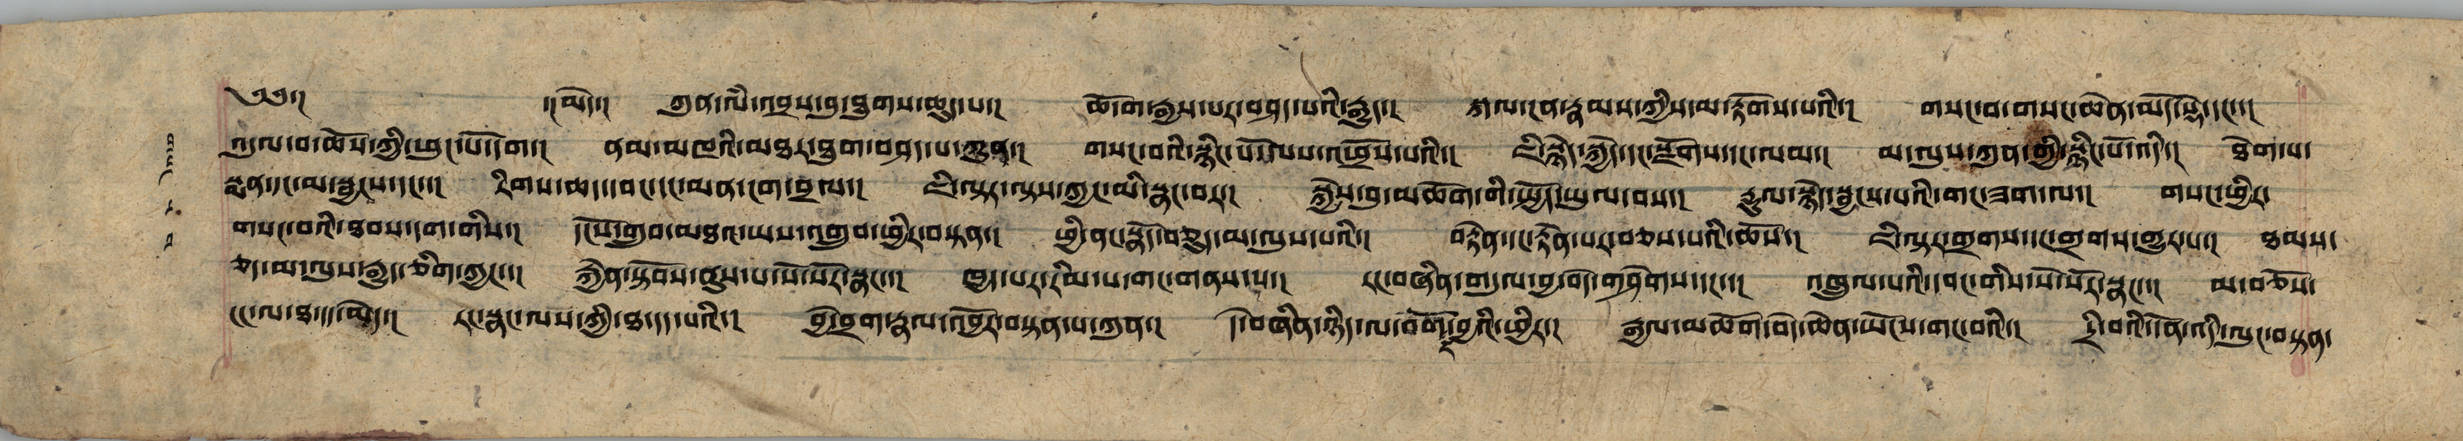༄༅་། ་།མེད་། ཀུན་ལཾ་འབྲས་བུ་ཐུགས་ཆུད་པ་། ཆོ་ག་རྒྱས་པར་བཤད་པའི་རྒྱུད་། སྐལ་ངན་རྣམས་ཀྱིས་མ་རྟོགས་པའི་། གསང་བ་གསང་ཆེན་མདོ་སྡེ་དང་་།
འདུལ་བ་ཆོས་ཀྱི་ཕུང་པོ་དག་། ནམ་མཁའི་མཐར་ཐུག་བཤད་པ་ཀུན་། གསང་བའི་སྙིང་པོ་ལས་འཕྲོས་པའི་། ཇི་སྙེད་སྐྱེད་དང་སྫོགས་དང་ལམ་། མ་ལུས་ཀུན་གྱི་སྙིང་པོ་འདི་། ཐེག་པ་
སྨན་དང་མ་སྦྱངས་དང་་། རིགས་ཆད་དབང་དང་མན་ངག་བྲལ་། ཇི་ལྟར་ལྟས་ཀྱང་མི་སྣང་བར་། སྐྱེས་བུ་མཆོག་གི་སྤྱོད་ཡུལ་བས་། རྡུལ་སྙེད་སྦྱངས་པའི་གང་ཟག་ལ་། གསང་ཕྱིར་
གསང་བའི་ཐབས་དག་གིས་། དངོས་གྲུབ་མཐའ་ཡས་འགྲུབ་ཕྱིར་བསྟན་། ཕྱི་ནང་སྣོད་བཅུད་མ་ལུས་པའི་། བརྟེན་དང་རྟེན་པར་བཅས་པའི་ཆོས་། ཇི་ལྟར་གྲགས་དང་གྲགས་གྱུར་པ་། ཐམས་
ཅད་མ་ལུས་རྒྱུད་ཅིག་ཀྱང་་། རྐྱེན་སྟོབས་ནུས་པ་སོ་སོར་སྣང་་། ཁྱད་པར་རིམ་པ་གང་གནས་པ་། རང་བཞིན་གདུལ་བྱ་བདེ་གཤེགས་དང་་། འཁྲུལ་པའི་དབང་གིས་སོ་སོར་སྣང་་། མ་བཅོས་
ངང་ལ་ཐ་དད་མེད་། རང་སྣང་ལས་ཀྱི་ཐ་དད་པའི་། བྱེ་བྲག་རྣལ་འབྱོར་བསྟན་པ་ཀུན་། དེ་བཞིན་ཉིད་ལ་བགོ་བྱའི་ཕྱིར་། རྒྱལ་མཆོག་བདེ་ཆེན་ཡོངས་གང་བའི་། དྲི་བའི་དོན་འདི་ལུང་བསྟན་